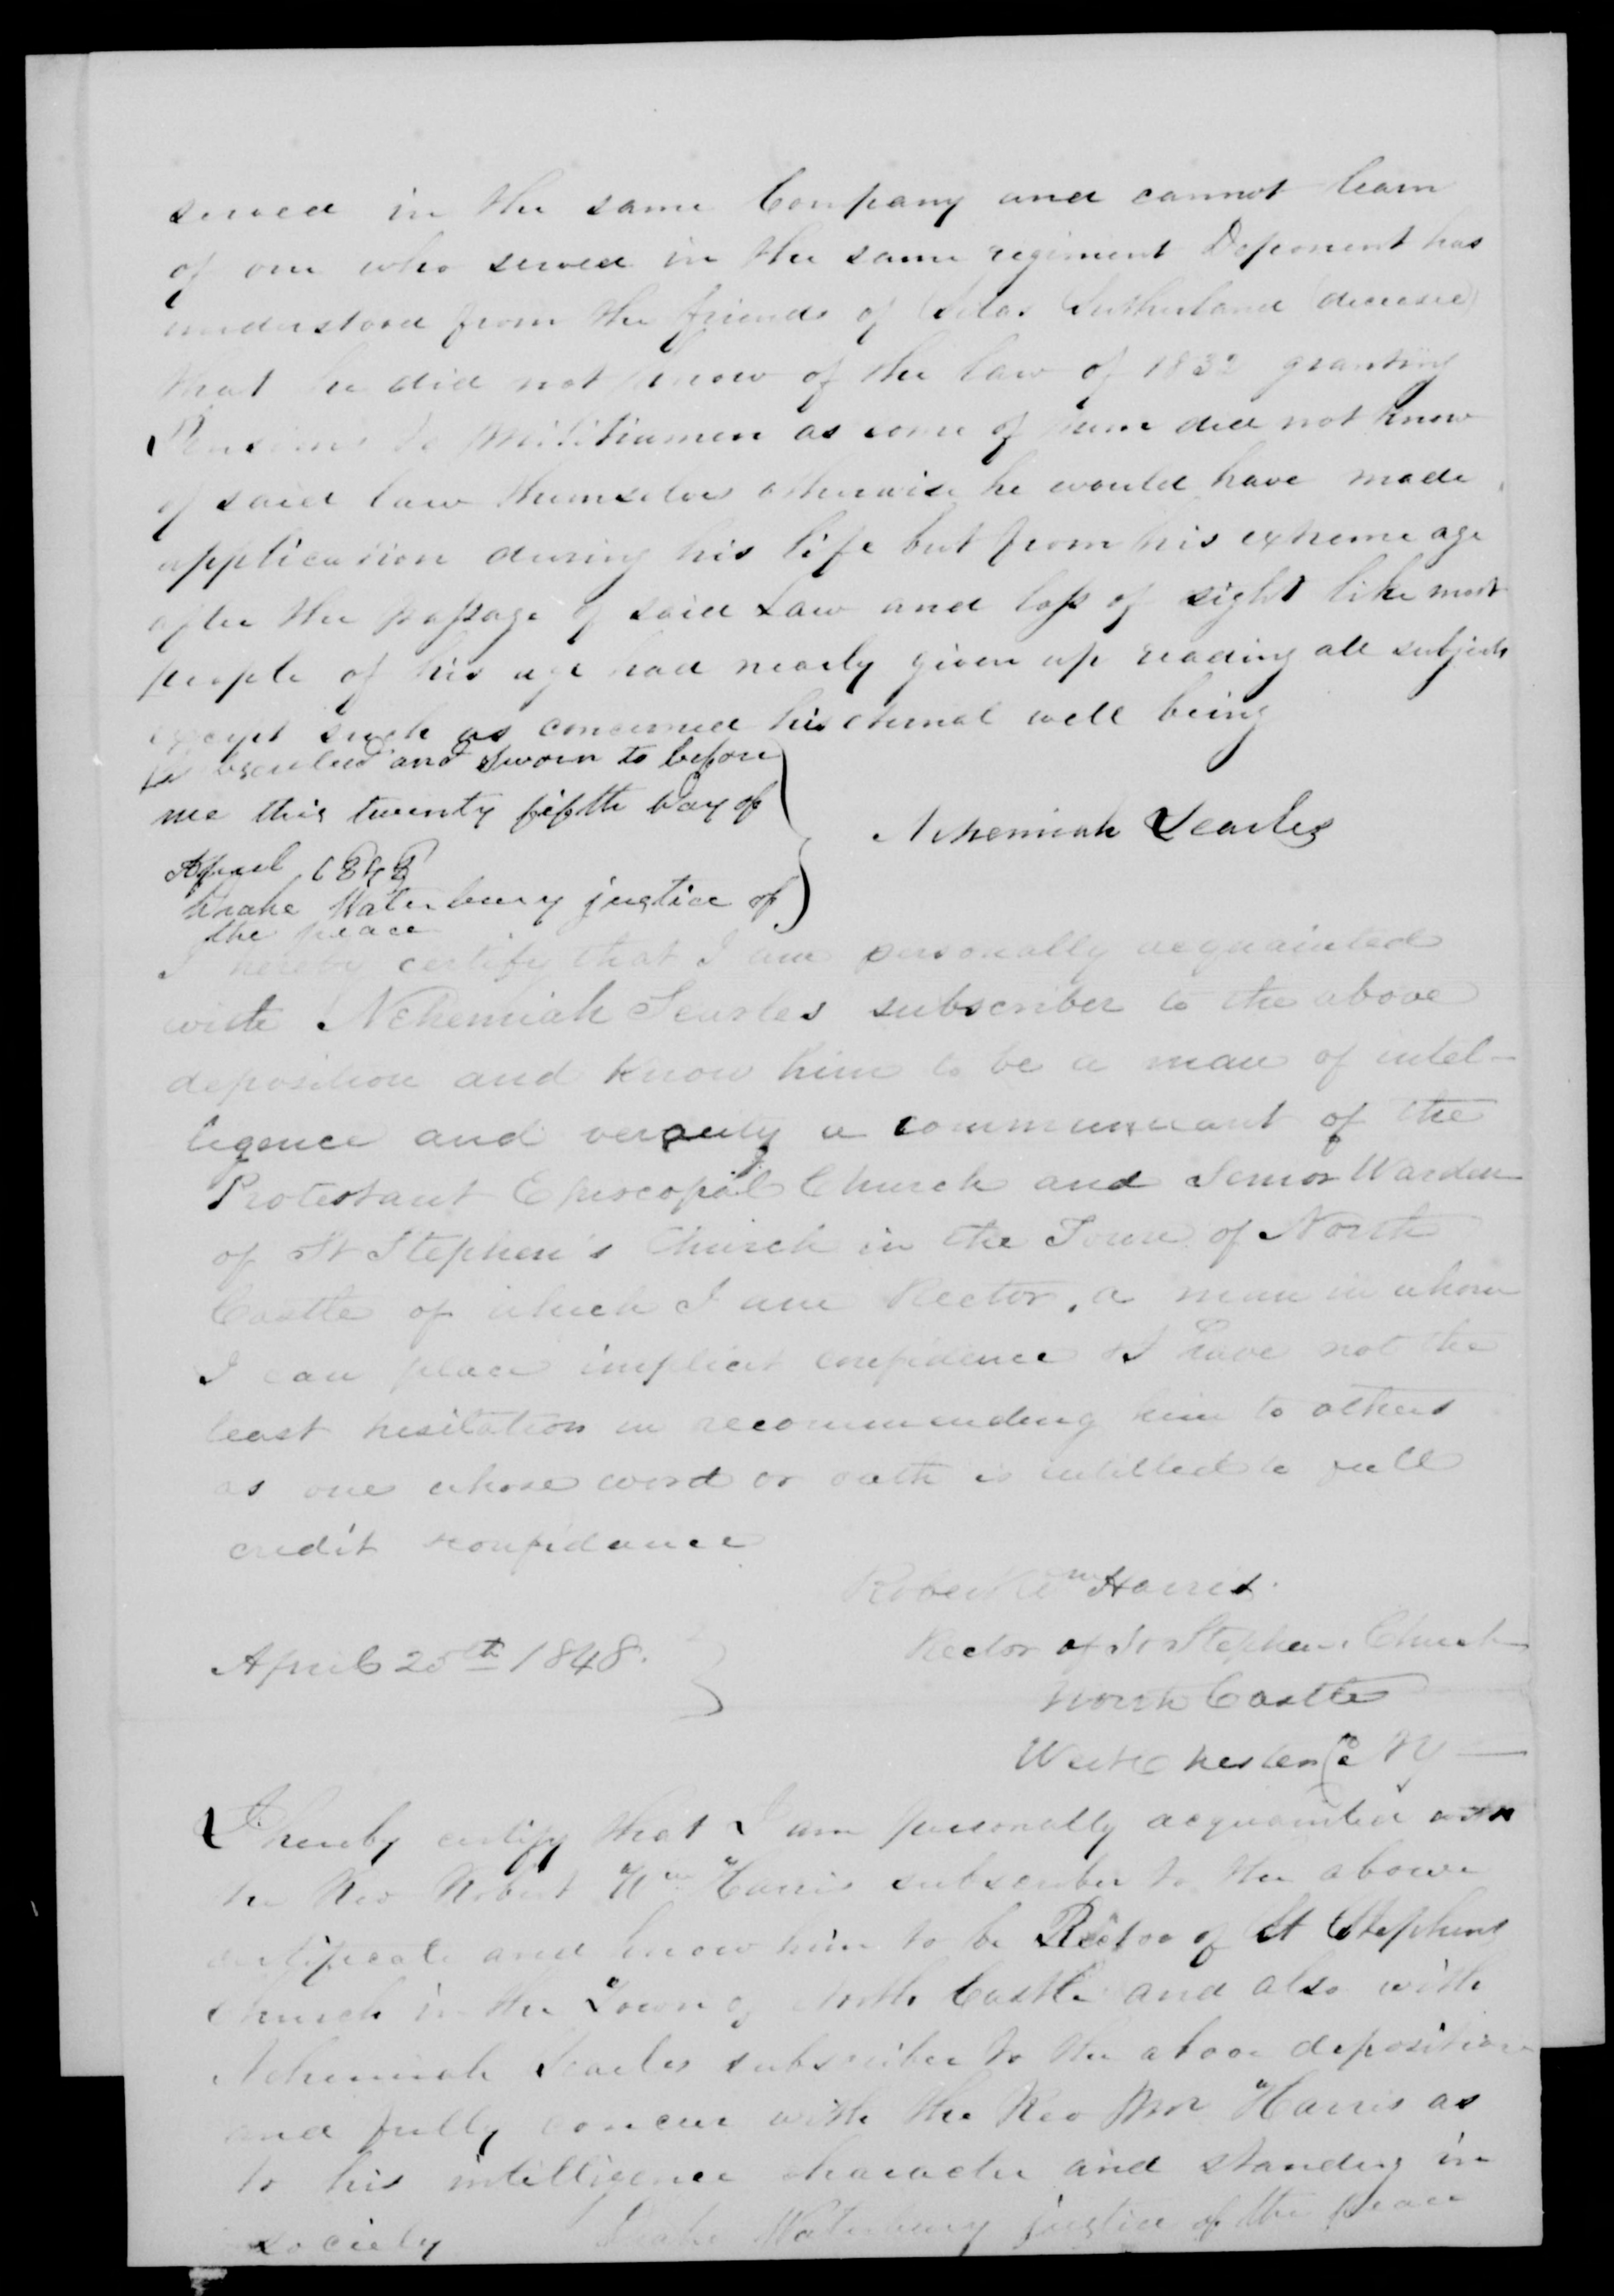seven in the same company and cannot learn of one who served in the same regiment  Deponent has understood from the friends of Silas Sutherland deceased that he did not know of the law of 1832 granting Pensions to Militiamen as some of them did not know of said law themselves otherwise he would have made application during his life but from his extreme age after the passage of said Law and loss of sight like most people of his age had nearly given up reading all subjects except [sncle?] as concerned his [chernal?] well being
   Nehemiah Searles
Subscribed and Sworn to before
me this twenty fifth day of August 1848
Drake Waterbury  Justice of the peace

I hereby certify that I am personally acquainted with Nehemiah Searles subscriber to the above deposition and know him to be a man of intelligence and veracity a communicant of the Protestant Episcopal Church and  Senior Warden of St Stephens Church in the Town of North Castle of which I am Rector, a man in whom I can place implicit confidence & I have not the least hesitation in recommending him to others as one whose word or oath is intittled [entitled] to full credit & confidence
 Robert Wm Harris
 Rector of St Stephens Church
 North Castle
 Westchester Co NY
  April 25th 1848
I hereby certify that I am personally acquainted with the Rev Robert Wm Harris subscriber to the above certificate and know him to be Rector of St Stephens Church in the town of North Castle and also with Jeremiah Searles subscriber to the above deposition and fully concur with the Rev Mr Harris as to his intelligence character and standing in society
 Drake Waterbury Justice of the peace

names: [BLANK] Harris; Nehemiah Scarles; Silas Sutherland; Robert N Harris; Nehemiah Scarles; Robert Wm Harris; Nehemiah Scarles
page: 53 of 77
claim: survivor's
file: S. 23003, for Silas Southerland, New York